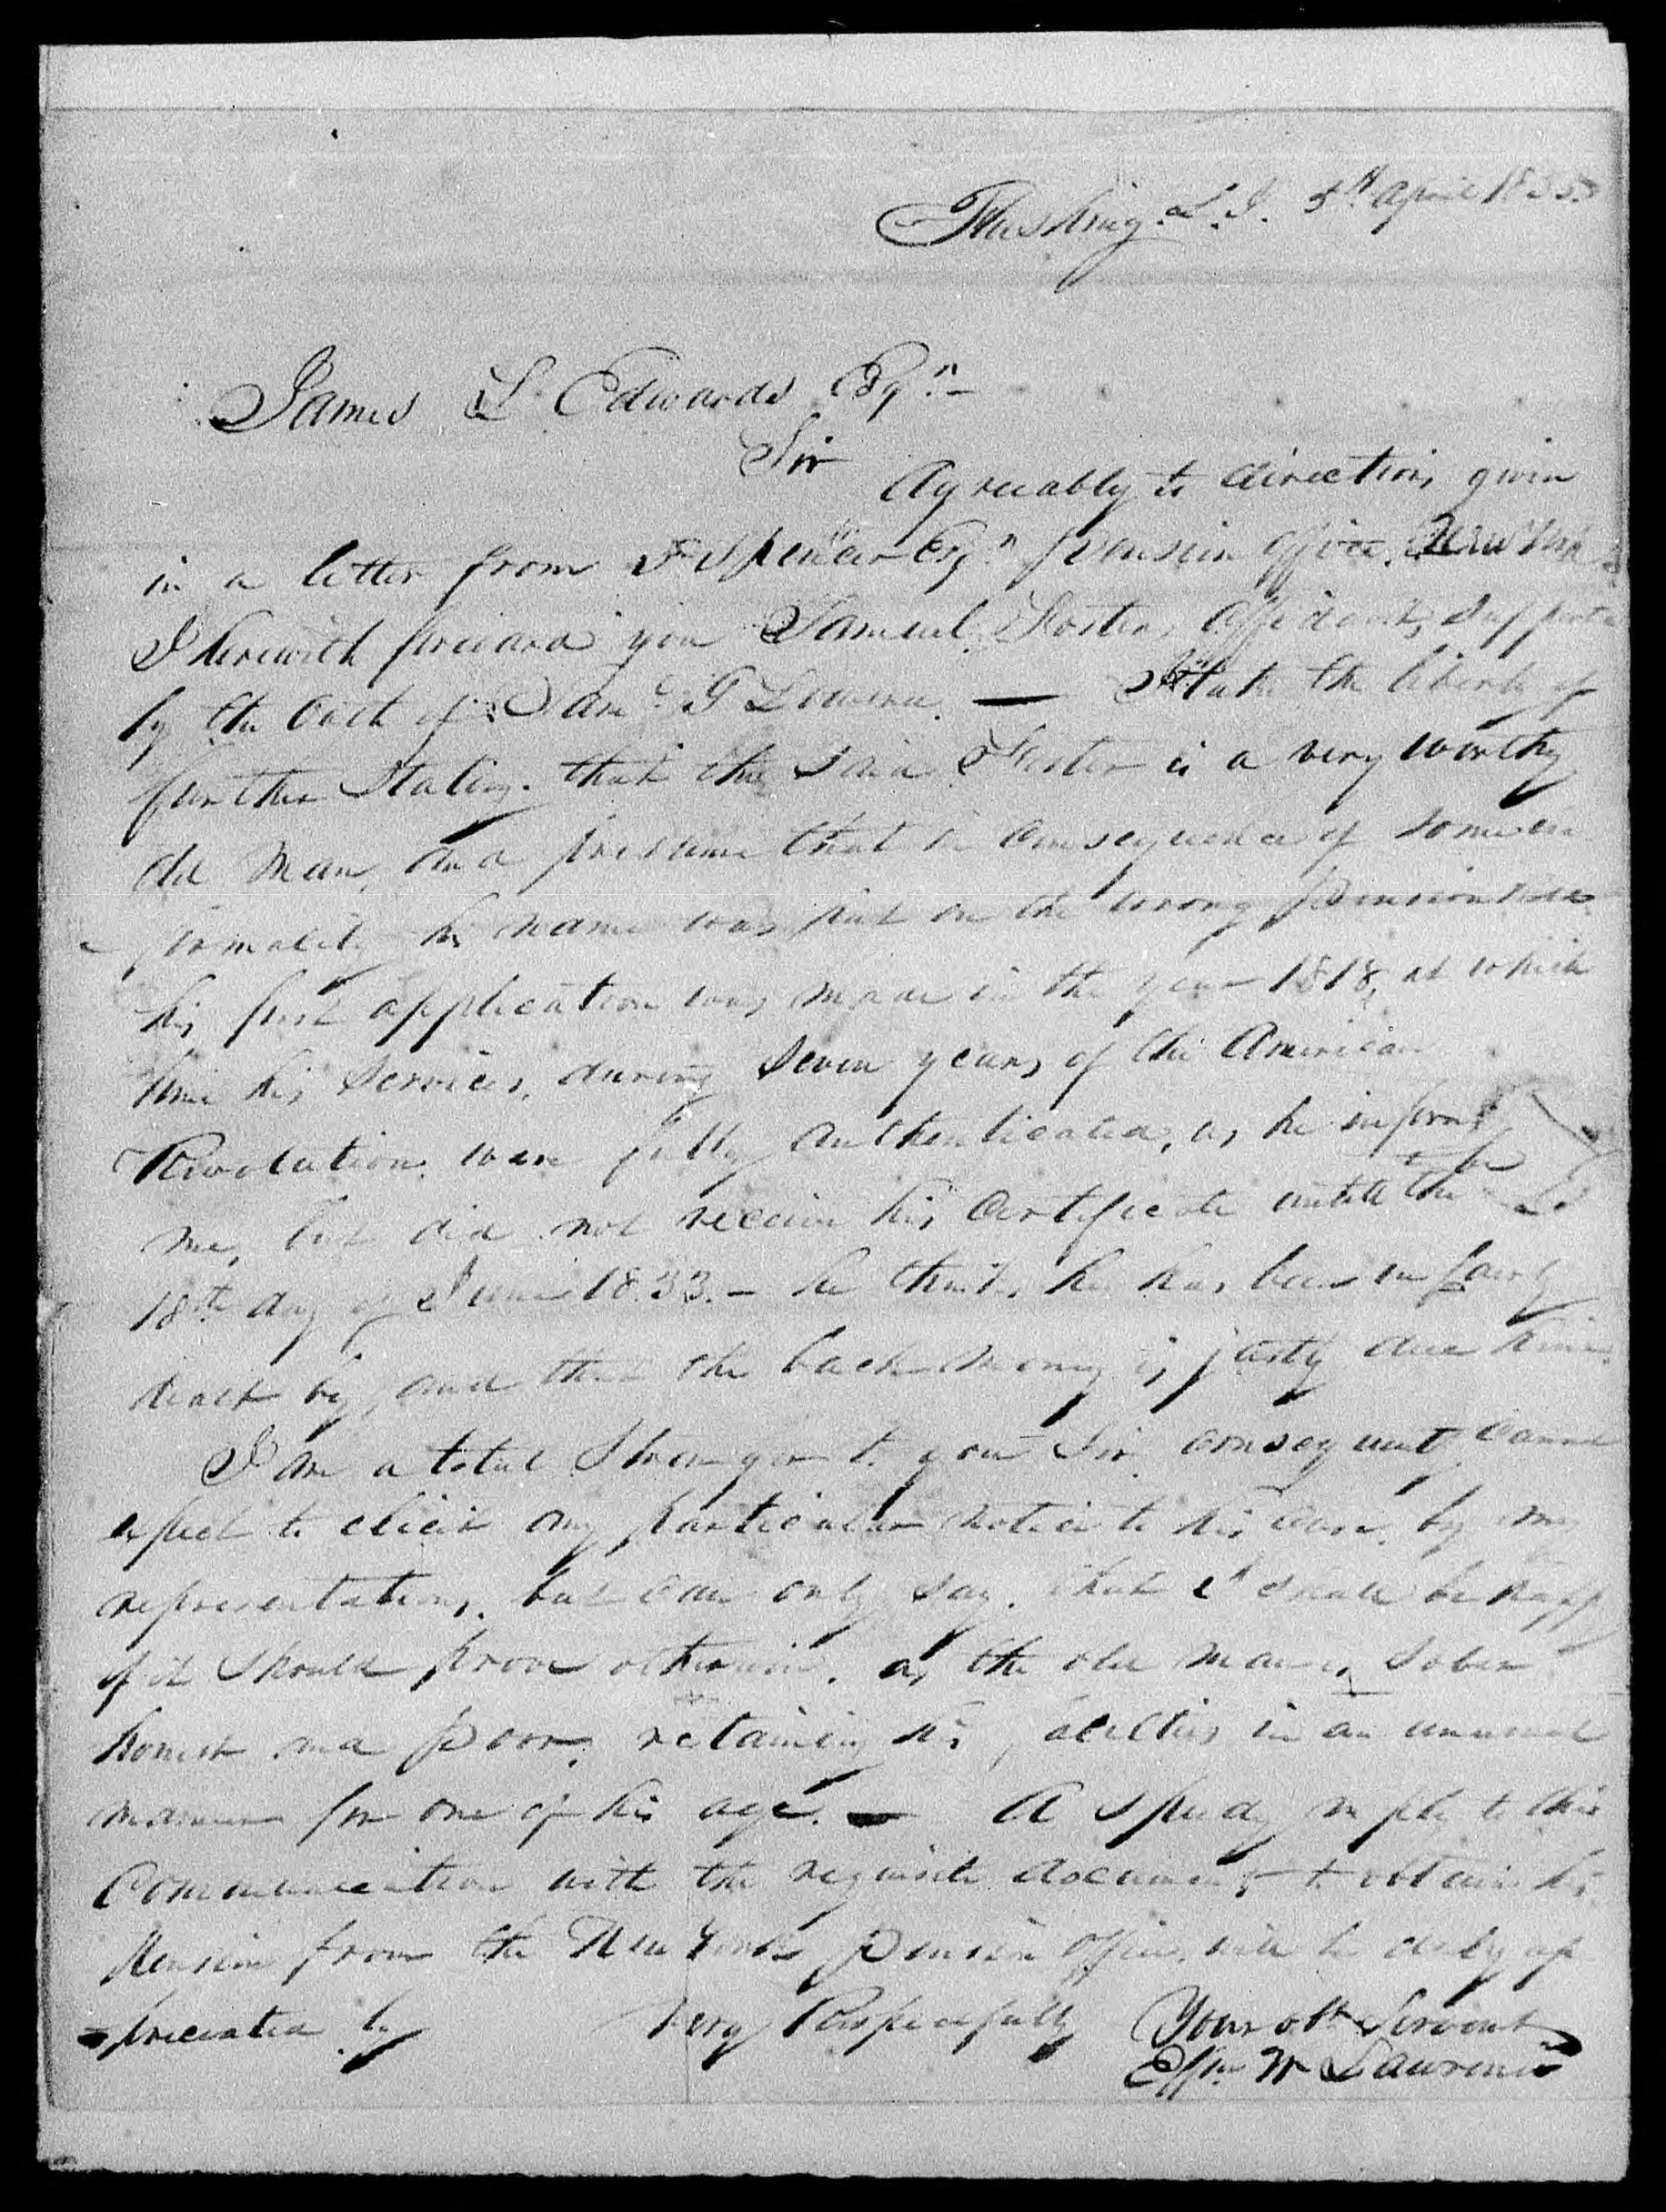Flushing. [illegible] 5th April 1835.
James L. Edwards Esqr. _
Sir Agreeably to directions given in a letter from [illegible] Spencer Esqr. pension office. [illegible] I herewith forward you Samuel Fosters affidavit, supported by the oath of Saml. G Lawrence _
I take the liberty of further stating that the said Foster is a very worthy old man and presume that in consequence of [illegible] formality his name was put on the wrong  pension roll his first application was made in the year 1818 as which [illegible] his services during seven years of the American Revolution were fully authenticated, as he inform me, but did not receive his certificate untill the 18th day of June 1833. _ he thinks he has been unfairly dealt by, and then the back money is justly due him.
I am a total stranger to you Sir consequently cannot expect to check any particular notice to his case. by my representations but can only say that I shall be happy if it should prove otherwise. as the the man is sober, honest and poor retaining his abilities in an unusual manner for  one of his age. _ A speedy reply to this communication with the requisite documents to obtain his pension from the New York pension office will be duly ap-preciated by
Very Respectfully Your obd. Servant
[signed] Wm. W Lawrence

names: Saml G Lawrence, James L Edwards, Samuel Foster, Wm W Lawrence, Foster, Spencer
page: 54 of 54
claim: survivor's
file: S. 13,043, Samuel Foster, Conn.